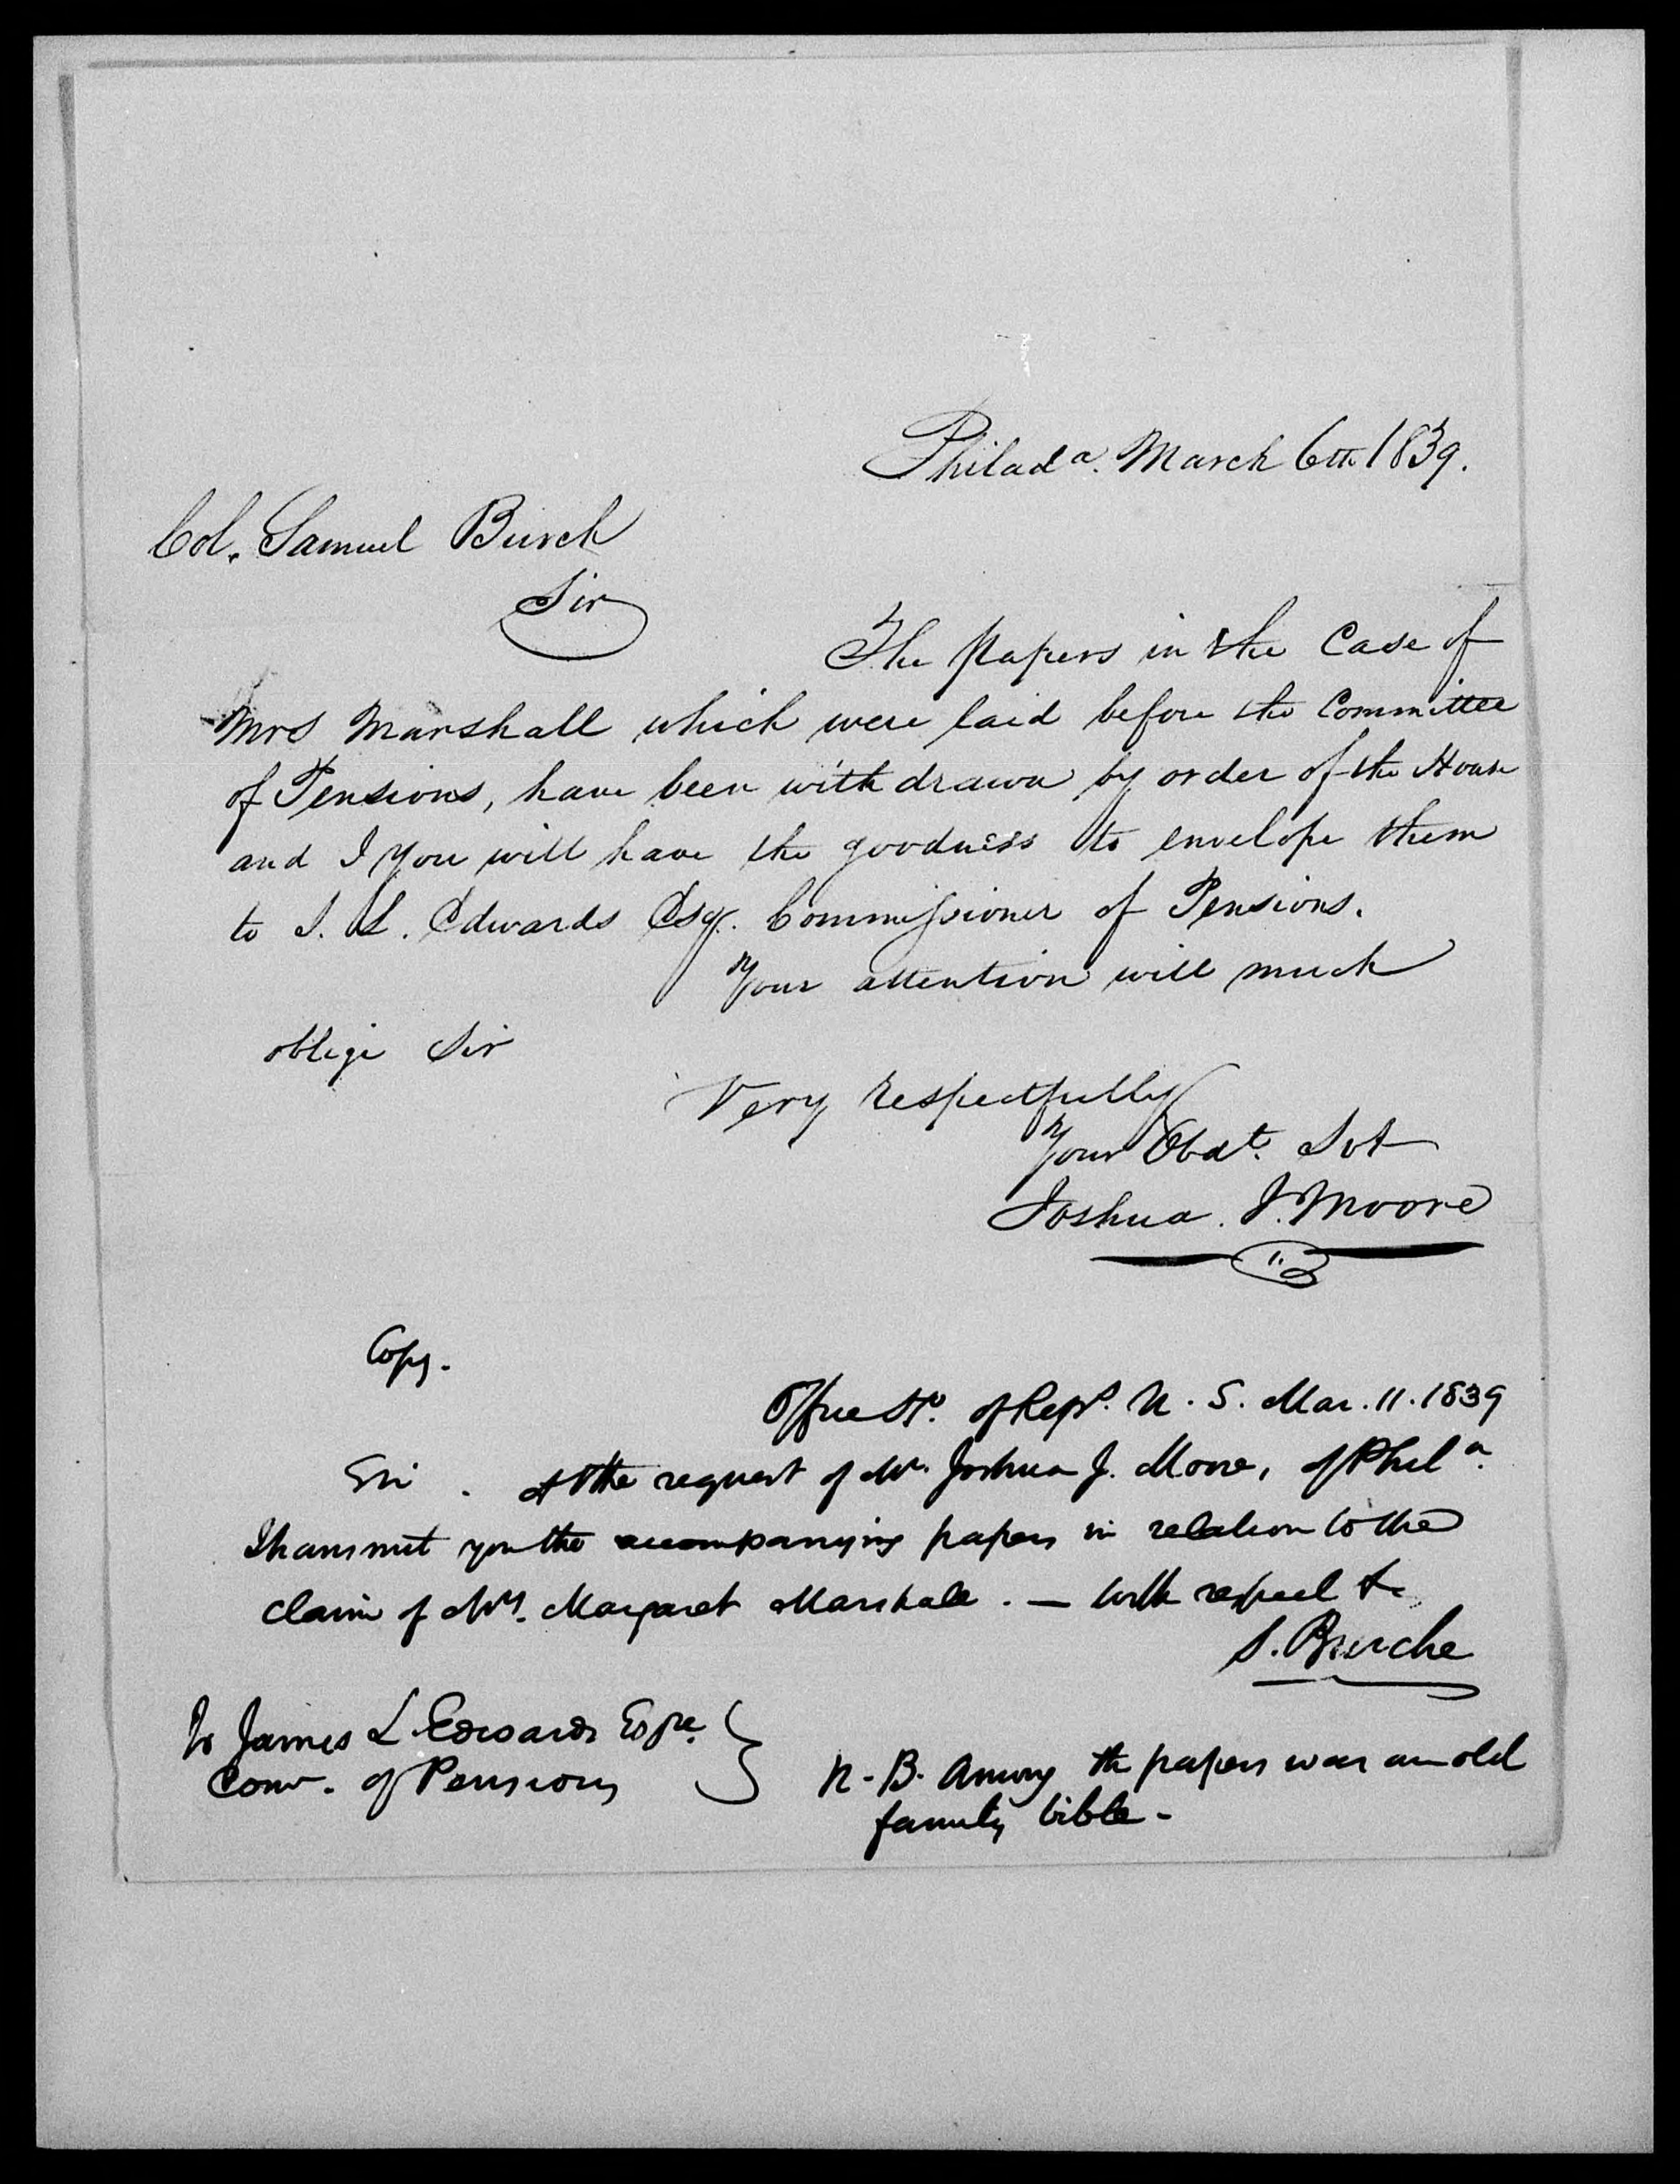Col. Samuel Burch
Philada March 6th 1839
Sir
The papers in the case of
Mrs Marshall which were laid before the Committee
of Pensions, have been withdrawn by order of the House
and I you will have the goodness to envelope them
to J. L. Edwards Esq Commissioner of Pensions
your attention will much
oblige Sir
Very
respectfully
Your [Obat] Lot
Joshua J. Moore
Copy
Office N. of Reps. U. S. Mar. 11. 1839
at the request of Mr Joshua J. Moore, of Phila
Shansmit you the accompanying papers
in relation to the
claim of Mrs. Margaret Marshall-- with respect &
S. Burche
in
to James L Edwards Esq
Com. of Pensions
B. Among the papers was an old family bible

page: 53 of 86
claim: widow's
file: W. 3571, for David Marshall, Pennsylvania